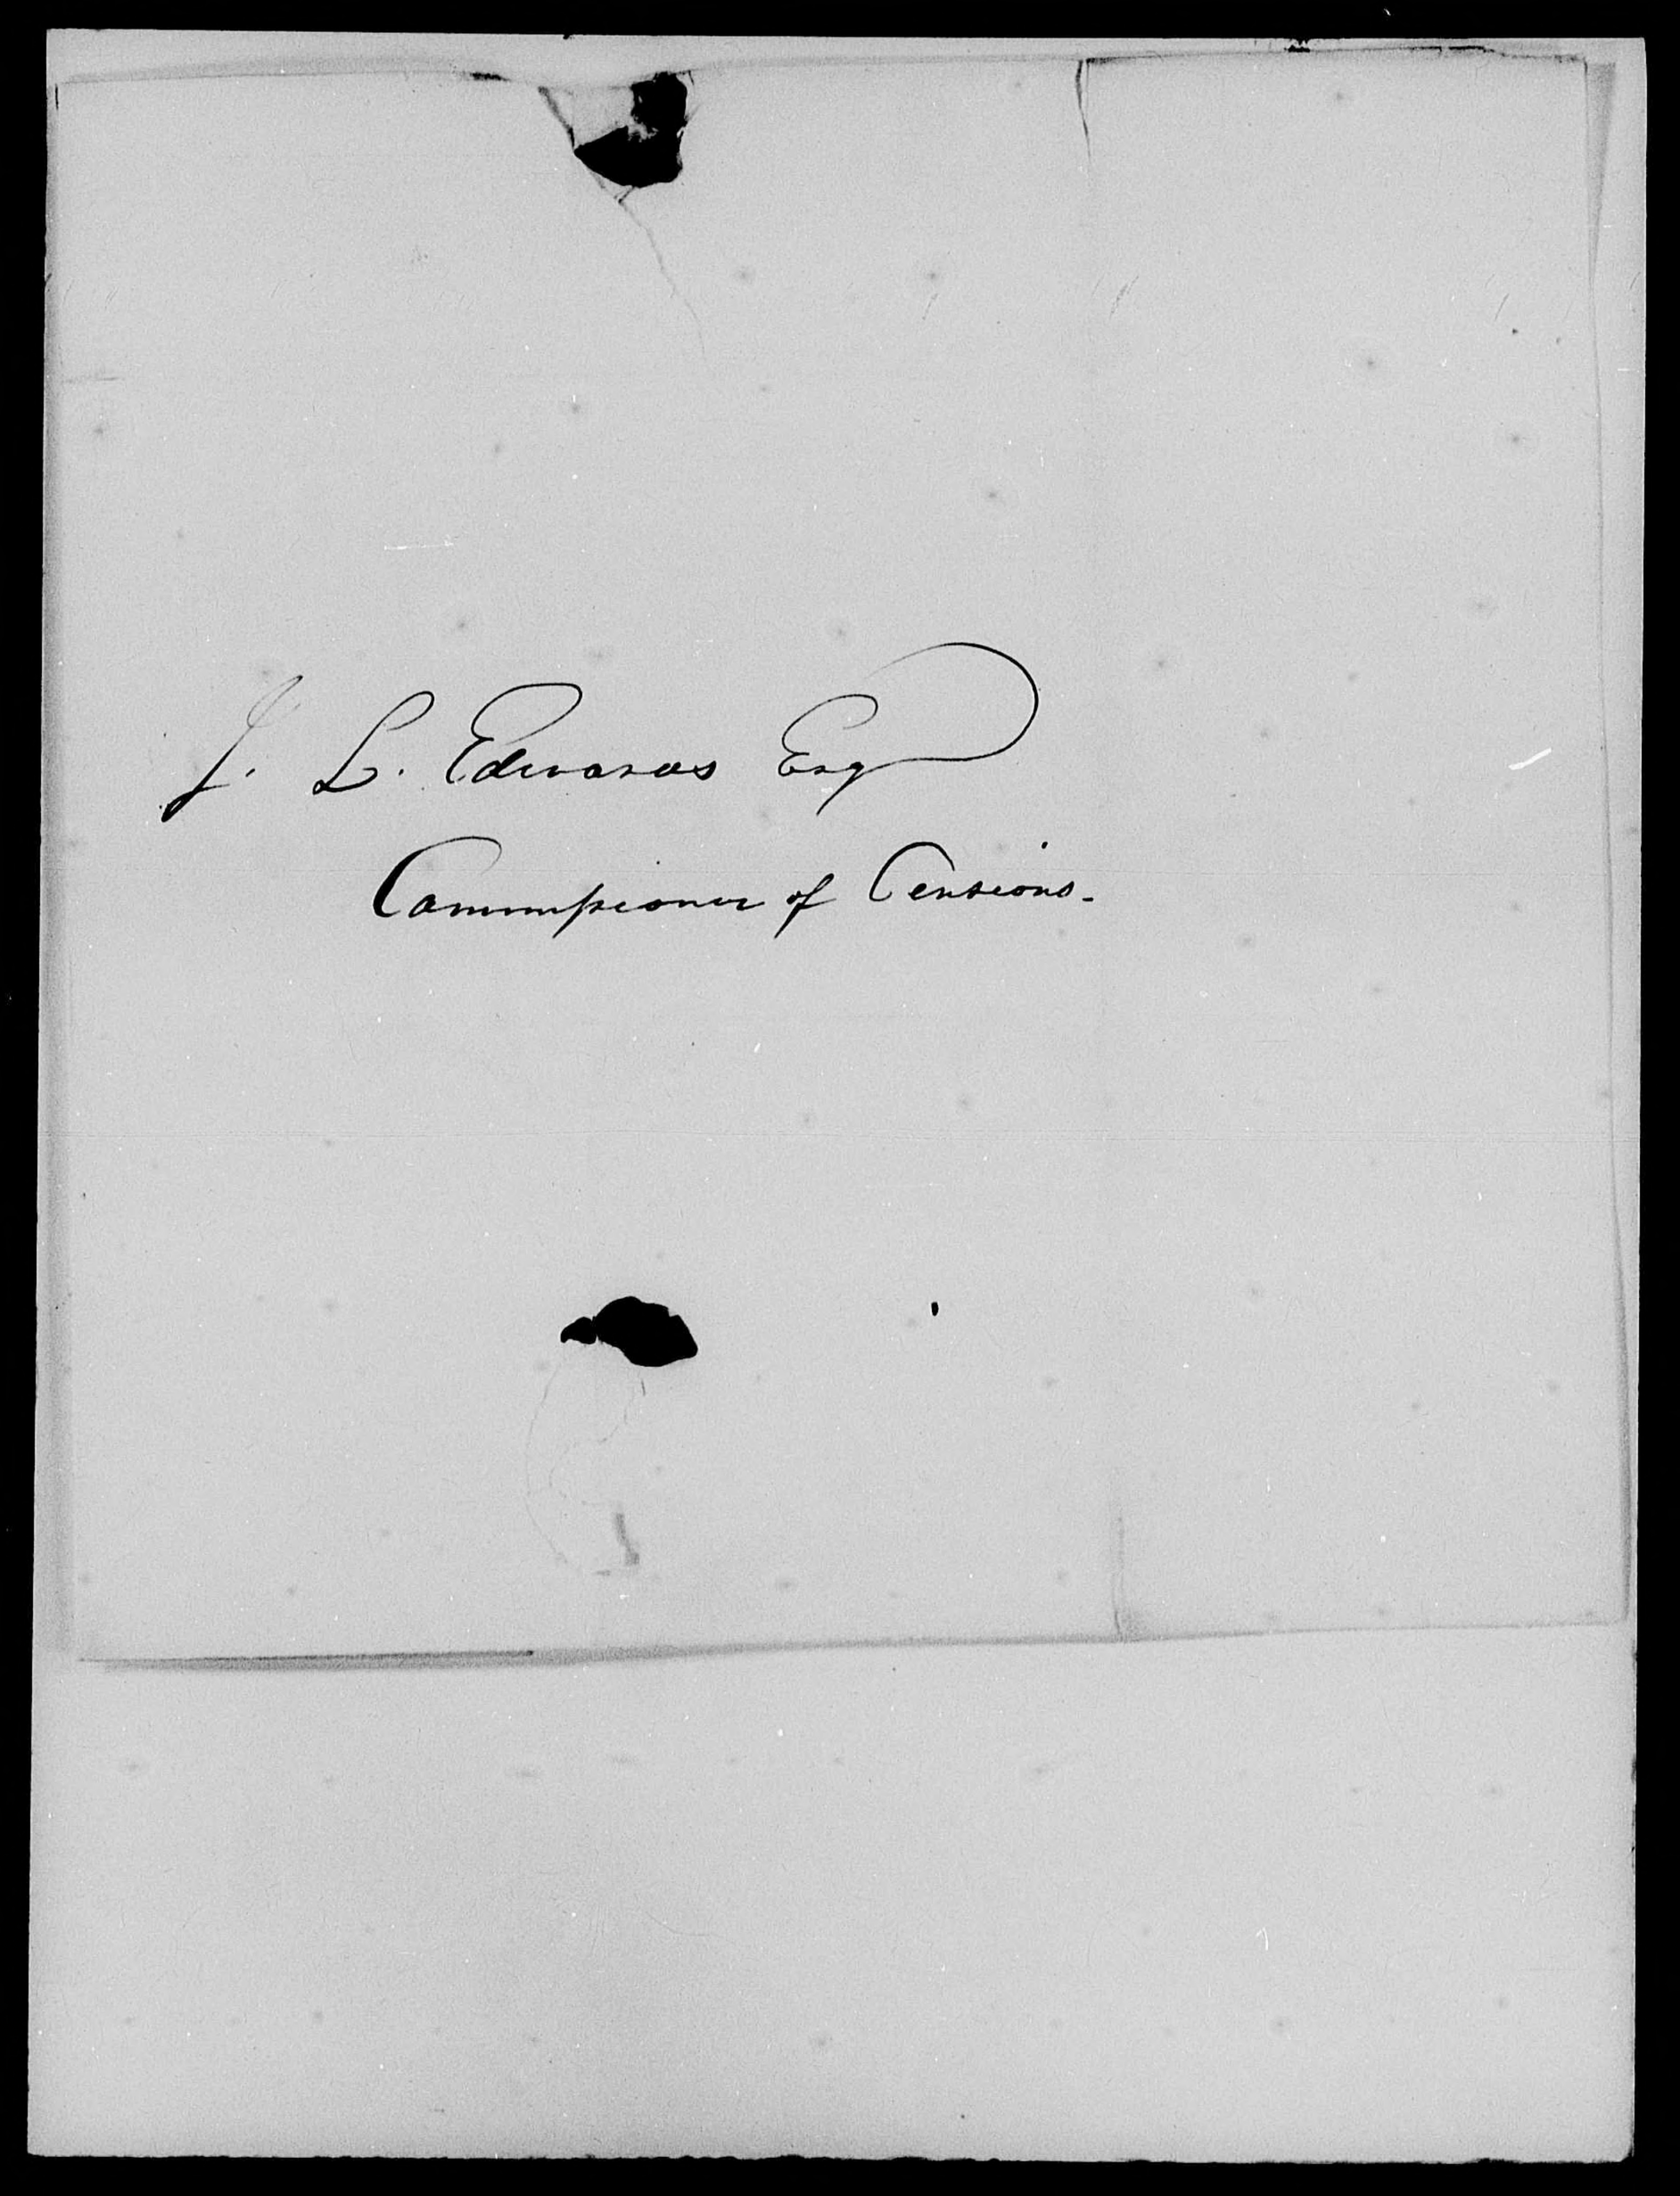J L Edwards Esq
Commissioner of Pensions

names: J L Edwards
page: 4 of 14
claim: widow's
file: W. 17897, Jeremiah Ferris, Conn.